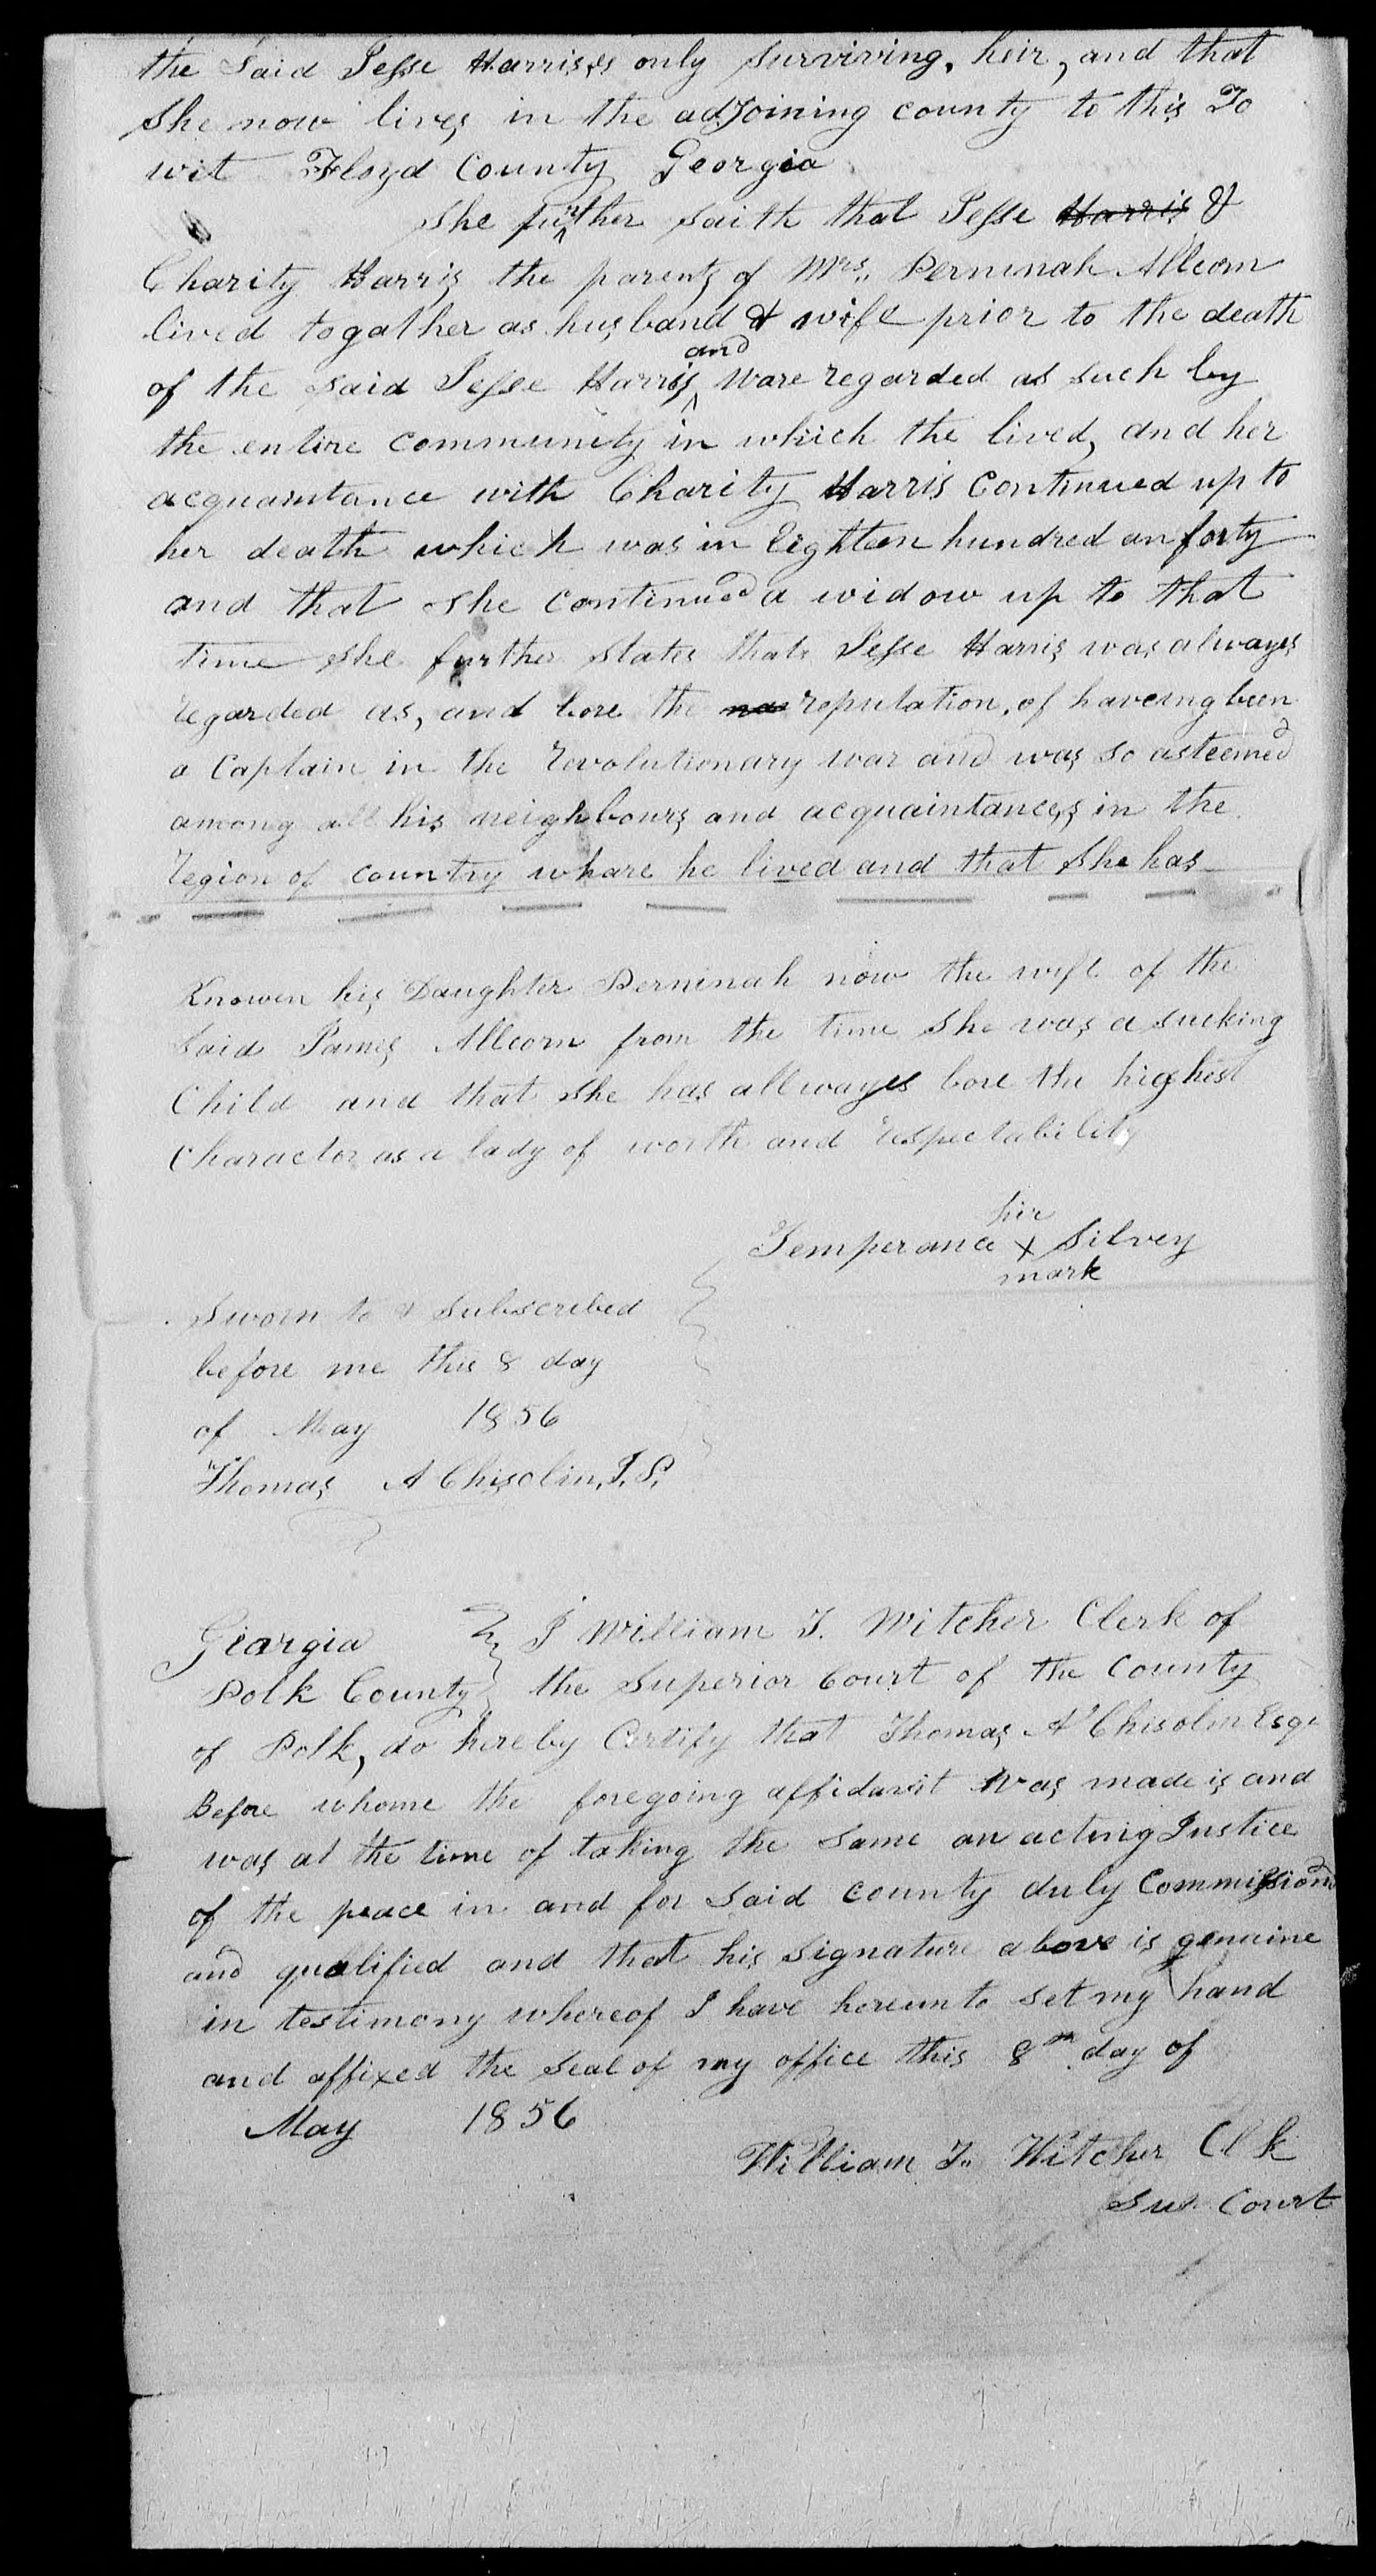the said Jesse Harris's only surviving heir, and that she now lives in the adjoining county to this to wit Floyd County Georgia.
She further saith that Jesse Harris & Charity Harris the parents of Mrs. Perninah Allcorn lived together as husband & wife prior to the death of the said Jesse Harris and were  regarded as such by the entire community in which the lived, and her acquaintance with Charity Harris continued up to her death which was in Eighteen hundred and forty and that she continued a widow up to that time she further states that Jesse Harris was always regarded as, and bore the reputation of having been a Captain in the Revolutionary war and was so esteemed among all his neighbours and acquaintances in the region of country where he lived and that she has known his daughter Perninah now the wife of the said James Allcorn from the time she was a sucking child and that she has always bore the highest character as a lady of worth and respectability.
Temperance (her X mark) Silvey
Sworn to & subscribed before me the 8 day of May1845
Thomas A Chisolm, J.P.
Georgia
Polk County
I William T. Witcher Clerk of the Superior Court of the County of Polk do hereby certify that Thomas A. Chisolm  Esq. before whom the foregoing affidavit was made is and was at the time of taking the same an acting Justice of the peace in and for said county duly commissioned and qualified and that his signature above is genuine in testimony whereof I have hereunto set my hand and affixed the seal of my office this 8th day of May 1845
William T. Witcher Clk
Sup. Court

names: Jesse Harris, Thomas A Chisolm, Charity Harris, Temperance Silvey, Charity Harris, Perninah, Jesse Harris, William T Witcher, Perninah Allcorn, Jesse Harris, Jesse Harris, James Allcorn, William T Witcher, Thomas A Chisolm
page: 5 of 32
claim: rejected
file: R. 4655, Jesse Harris, N.C.